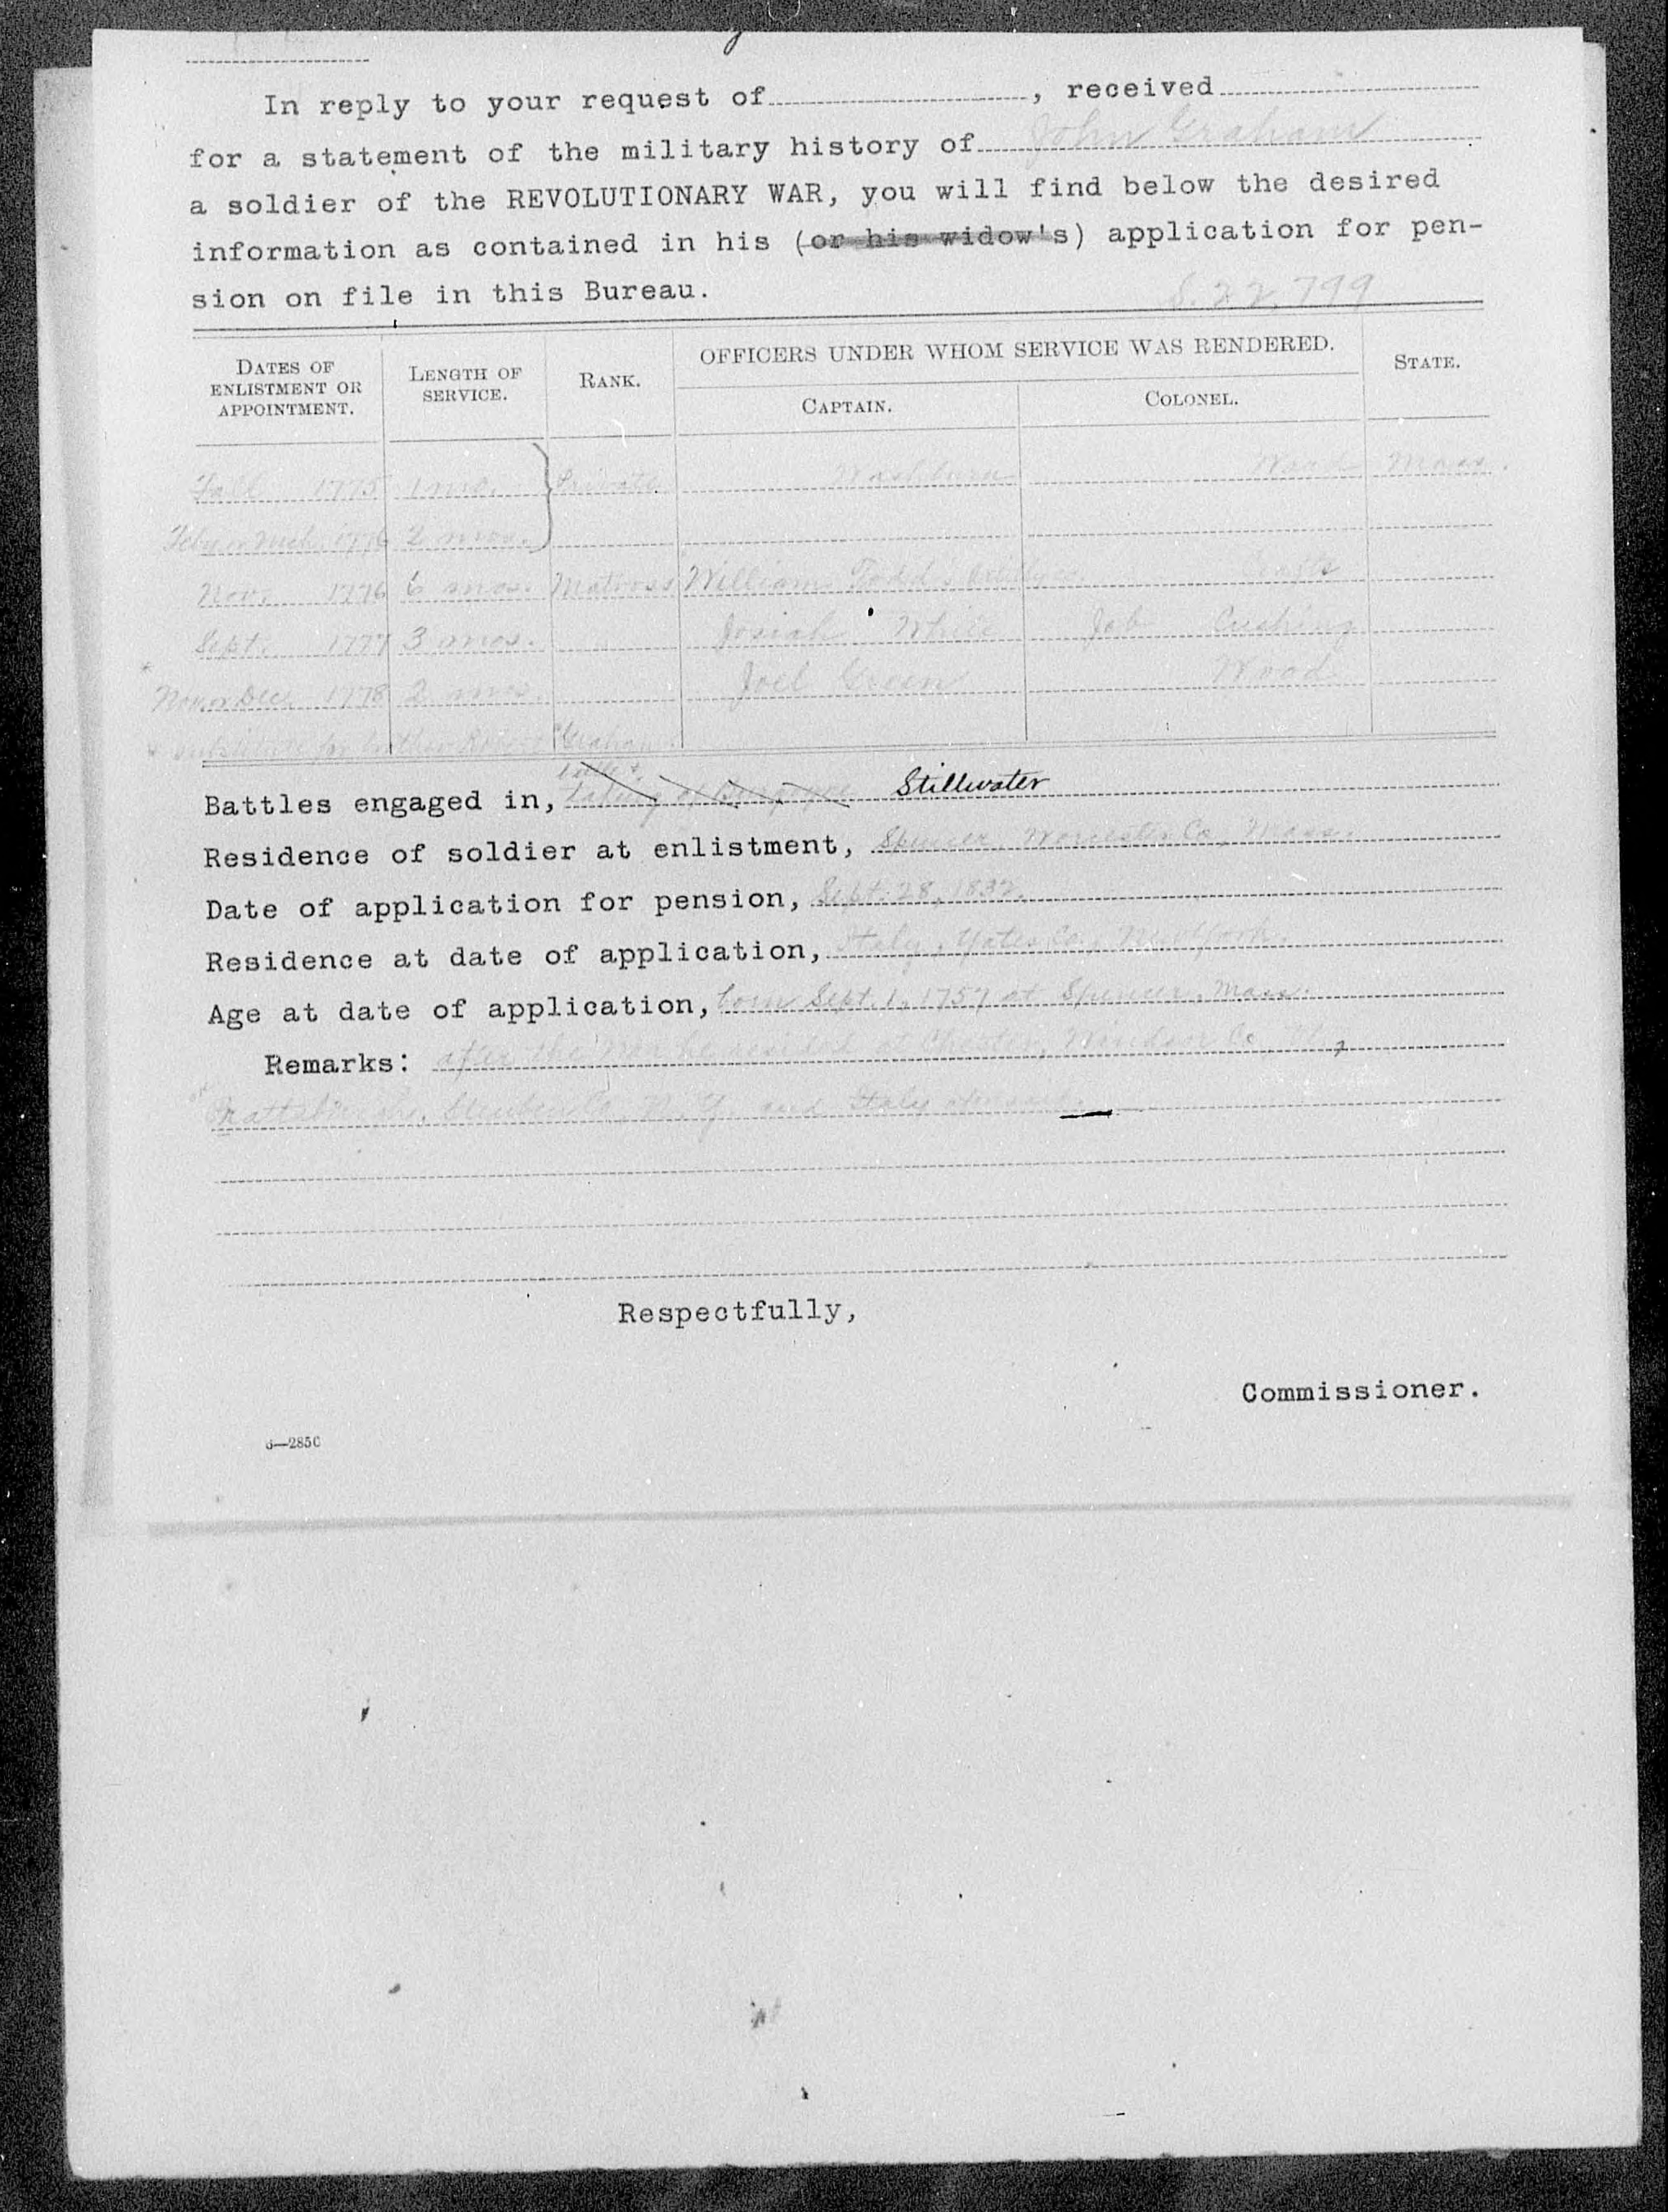In reply to your request of ______, received ______for a statement of the military history of John Graham a soldier of the REVOLUTIONARY WAR, you will find below the desired information as contained in his (or his widow's crossed out) application for pension on file in the Bureau.

DATES OF ENLISTMENT OR APPOINTMENT.
Fall 1775
LENGTH OF SERVICE.
1 mo.
RANK.
Private
OFFICERS UNDER WHOM SERVICE WAS RENDERED.
CAPTAIN.
Washburn
COLONEL.
Ward
STATE.
Mass.

DATES OF ENLISTMENT OR APPOINTMENT.
Feby or Mch. 1776
LENGTH OF SERVICE.
2 mos.
RANK.
Private
OFFICERS UNDER WHOM SERVICE WAS RENDERED.
CAPTAIN.
blank
COLONEL.
blank
STATE.
blank

DATES OF ENLISTMENT OR APPOINTMENT.
Nov. 1776
LENGTH OF SERVICE.
6 mos.
RANK.
Matross
OFFICERS UNDER WHOM SERVICE WAS RENDERED.
CAPTAIN.
William Todd's Artilly. co. 
COLONEL.
Crafts
STATE.
blank

DATES OF ENLISTMENT OR APPOINTMENT.
Sept. 1777
LENGTH OF SERVICE.
3 mos.
RANK.
blank
OFFICERS UNDER WHOM SERVICE WAS RENDERED.
CAPTAIN.
Josiah White
COLONEL.
Job Cushing
STATE.
blank

DATES OF ENLISTMENT OR APPOINTMENT.
* Nov. or Dec. 1778
LENGTH OF SERVICE.
2 mos.
RANK.
blank
OFFICERS UNDER WHOM SERVICE WAS RENDERED.
CAPTAIN.
Joel Green
COLONEL.
Wood
STATE.
blank

* Substitute for brother Robert Graham (battle & taking of Burgoyne crossed out)

Battles engaged in, Stillwater

Residence of soldier at enlistment, Spencer, 
Worchester Co., Mass.
 
Date of application for pension, Sept. 28, 1832.

Residence at date of application, Italy, Yates 
Co., New York.

Age at date of application, born Sept. 1. 1757 
at Spener, Mass.

Remarks: after the war he resided at Chester, Windsor Co. Vt, Plattsburgh, Steuben, N.Y. and Italy aforesaid.

Respectfully, 
                                         Commissioner.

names: Joel Green, John Graham, Job Cushin, Craft, William Todd, Washburn, Josiah White, Ward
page: 13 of 28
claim: survivor's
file: S. 22799, John Graham, Mass